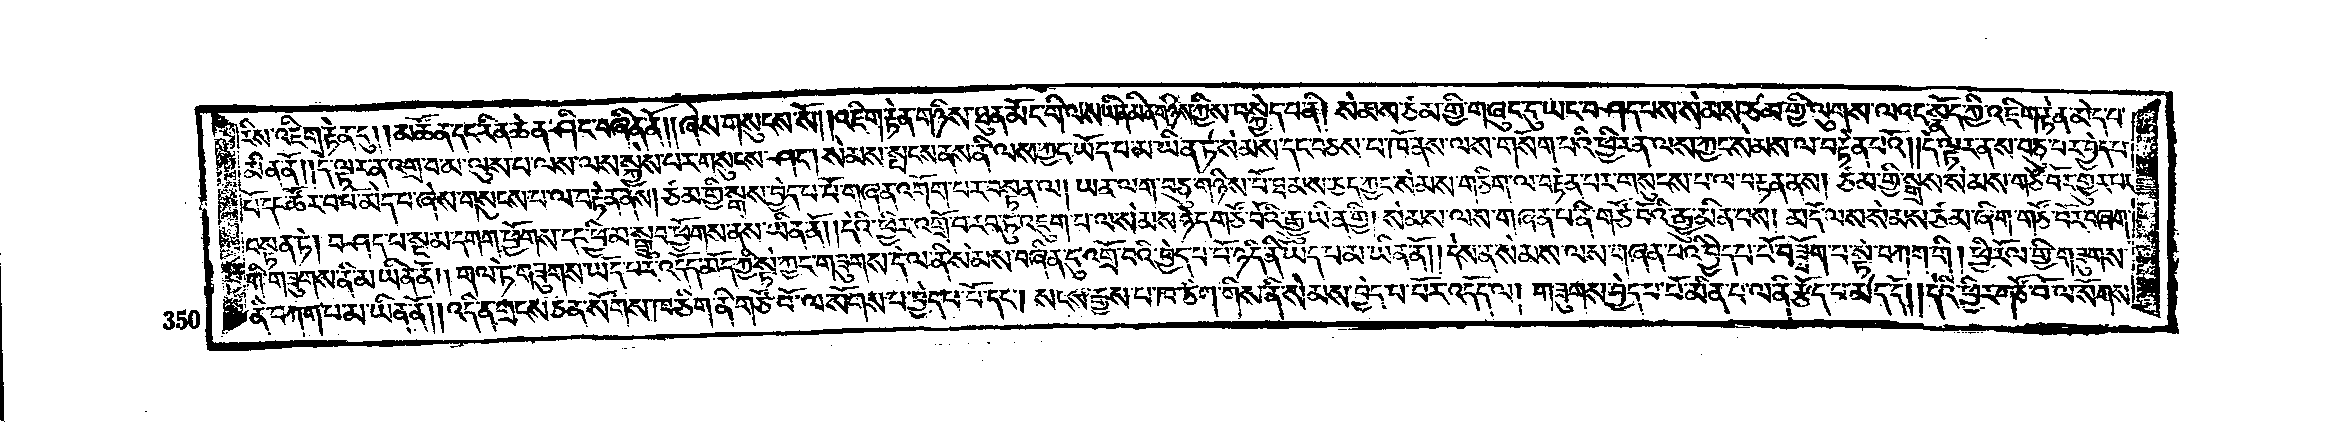རིས་འཇིག་རྟེན་དུ། །མཚོན་དང་རིན་ཆེན་ཤིང་བཞིན་ནོ། །ཞེས་གསུངས་སོ། །འཇིག་རྟེན་གཉིས་ཐུན་མོང་གི་ལས་ཡིན་མིན་གཉིས་ཀྱིས་བསྐྱེད་པ་ནི། སེམས་ཙམ་གྱི་གཞུང་དུ་ཡང་བཤད་པས་སེམས་ཙམ་གྱི་ལུགས་ལའང་སྣོད་ཀྱི་འཇིག་རྟེན་མེད་པ་
མིན་ནོ། །དེ་ལྟར་ན་འགྲོ་བ་མ་ལུས་པ་ལས་ལས་སྐྱེས་པར་གསུངས་ཤིང་། སེམས་སྤངས་ནས་ནི་ལས་ཀྱང་ཡོད་པ་མ་ཡིན་ཏེ་སེམས་དང་བཅས་པ་ཁོ་ནས་ལས་གསོག་པའི་ཕྱིར་ན་ལས་ཀྱང་སེམས་ལ་བརྟེན་པའོ། །དེ་ལྟར་ན་ས་བཅུ་པར་བྱེད་པ་
པོ་དང་ཚོར་བ་པོ་མེད་པ་ཞེས་གསུངས་པ་ལ་བརྟེན་ནས། ཙམ་གྱི་སྒྲས་བྱེད་པ་པོ་གཞན་འགོག་པར་བསྟན་ལ། ཡན་ལག་བཅུ་གཉིས་པོ་ཐམས་ཅད་ཀྱང་སེམས་གཅིག་ལ་བརྟེན་པར་གསུངས་པ་ལ་བརྟེན་ནས། ཙམ་གྱི་སྒྲས་སེམས་གཙོ་བོར་གྱུར་པར་
བསྟན་ཏེ། བཤད་པ་སྔ་མ་དགག་ཕྱོགས་དང་ཕྱི་མ་སྒྲུབ་ཕྱོགས་ནས་ཡིན་ནོ། །དེའི་ཕྱིར་འགྲོ་བ་རབ་ཏུ་འཇུག་པ་ལ་སེམས་ཉིད་གཙོ་བོའི་རྒྱུ་ཡིན་གྱི། སེམས་ལས་གཞན་པ་ནི་གཙོ་བོའི་རྒྱུ་མིན་པས། མདོ་ལས་སེམས་ཙམ་ཞིག་གཙོ་བོར་བཞག་
གི་གཟུགས་ནི་མ་ཡིན་ནོ། །གལ་ཏེ་གཟུགས་ཡོད་པར་འདོད་མོད་ཀྱི་སྟེ་ཀྱང་གཟུགས་དེ་ལ་ནི་སེམས་བཞིན་དུ་འགྲོ་བའི་བྱེད་པ་པོ་ཉིད་ནི་ཡོད་པ་མ་ཡིན་ནོ། །དེས་ན་སེམས་ལས་གཞན་པའི་བྱེད་པ་པོ་བཟློག་པ་སྟེ་བཀག་གི །ཕྱི་རོལ་གྱི་གཟུགས་
ནི་བཀག་པ་མ་ཡིན་ནོ། །འདི་ན་གྲངས་ཅན་སོགས་ཁ་ཅིག་ནི་གཙོ་བོ་ལ་སོགས་པ་བྱེད་པ་པོ་དང་། སངས་རྒྱས་པ་ཁ་ཅིག་གིས་ནི་སེམས་བྱེད་པ་པོར་འདོད་ལ། གཟུགས་བྱེད་པ་པོ་མིན་པ་ལ་ནི་རྩོད་པ་མེད་དོ། །དེའི་ཕྱིར་གཙོ་བོ་ལ་སོགས་